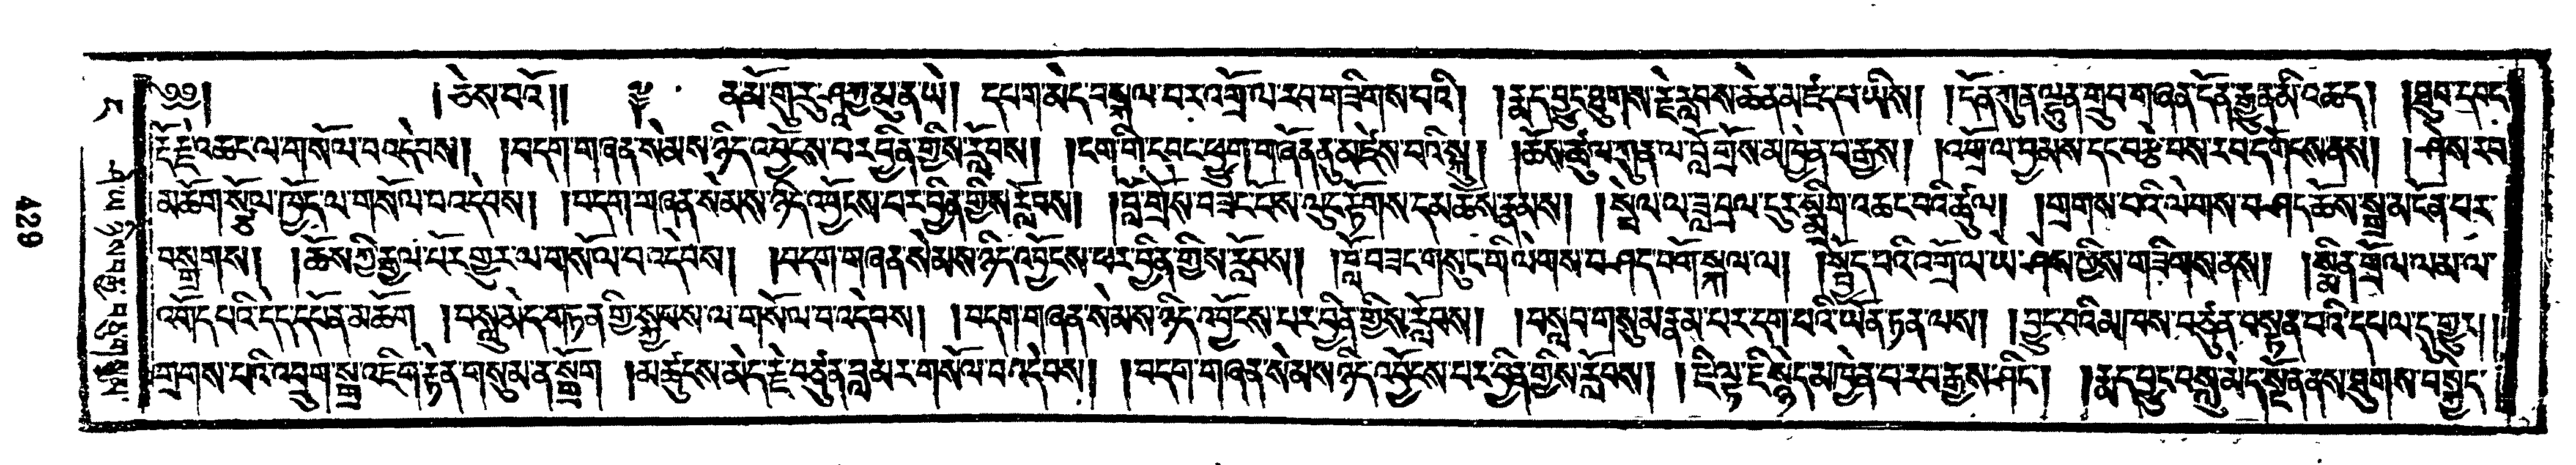༄༅། །ཅེས་བའོ།། ༈ ན་མོ་གུ་རུ་ཤཱཀྱ་མུ་ན་ཡེ། དཔག་མེད་བསྐལ་བར་འགྲོ་ལ་རབ་གཟིགས་པའི། །རྨད་བྱུང་ཐུགས་རྗེ་རླབས་ཆེན་མཛད་པ་ཡིས། །དོན་ཀུན་ལྷུན་གྲུབ་གཞན་དོན་རྒྱུན་མི་འཆད། །ཐུབ་དབང་
རྡོ་རྗེ་འཆང་ལ་གསོལ་བ་འདེབས། །བདག་གཞན་སེམས་ཉིད་འབྱོངས་བར་བྱིན་གྱིས་རློབས། །ངག་གི་དབང་ཕྱུག་གཞོན་ནུ་མཛེས་བའི་སྐུ། །ཆོས་ཚུལ་ཀུན་ལ་བློ་གྲོས་མཁྱེན་བ་རྒྱས། །འགྲོ་ལ་བྱམས་དང་བརྩེ་བས་རབ་དགོངས་ནས། །ཤེས་རབ་
མཆོག་སྩོལ་ཁྱོད་ལ་གསོལ་བ་འདེབས། །བདག་གཞན་སེམས་ཉིད་འབྱོངས་བར་བྱིན་གྱིས་རློབས། །བློ་གྲོས་བཟང་པོས་ལུང་རྟོགས་དམ་ཆོས་རྣམས། །སྤེལ་ལ་ཟླ་བྲལ་ངུར་སྨྲིག་འཆང་བའི་ཚུལ། །གྲགས་བའི་ལེགས་བཤད་ཆོས་སྒྲ་མངོན་པར་
བསྒྲགས། །འཆོས་ཀྱི་རྒྱལ་པོར་གྱུར་པ་ལ་གསོལ་བ་འདེབས། །བདག་གཞན་སེམས་ཉིད་འབྱོངས་ཕར་བྱིན་གྱིས་རློབས། །བློ་བཟང་གསུང་གི་ལེགས་བཤད་བགོ་སྐལ་ལ། །སྤྱོད་བའི་འགྲོ་ལ་ཡེ་ཤེས་ཀྱིས་གཟིགས་ནས། །སྨིན་གྲོལ་ལམ་ལ་
འགོད་པའི་དེད་དཔོན་མཆོག །བསླུ་མེད་གཏན་གྱི་སྐྱབས་ལ་གསོལ་བ་འདེབས། །བདག་གཞན་སེམས་ཉིད་འབྱོངས་པར་བྱིན་གྱིས་རློབས། །བསླབ་གསུམ་རྣམ་པར་དག་པའི་ཡོན་ཏན་ལས། །བྱུང་བའི་མཁས་བཙུན་བསྟན་པའི་དཔལ་དུ་གྱུར། །
གྲགས་པའི་འབྲུག་སྒྲ་འཇིག་རྟེན་གསུམ་ན་སྒྲོག །མཚུངས་མེད་རྗེ་བཙུན་བླ་མར་གསོལ་བ་འདེབས། །བདག་གཞན་སེམས་ཉིད་འབྱོངས་པར་བྱིན་གྱིས་རློབས། །ཇི་ལྟ་ཇི་སྙེད་མཁྱེན་བ་རབ་རྒྱས་ཤིང་། །རྨད་བྱུང་བསླུ་མེད་སྔོན་ནས་ཐུགས་བསྐྱེད་